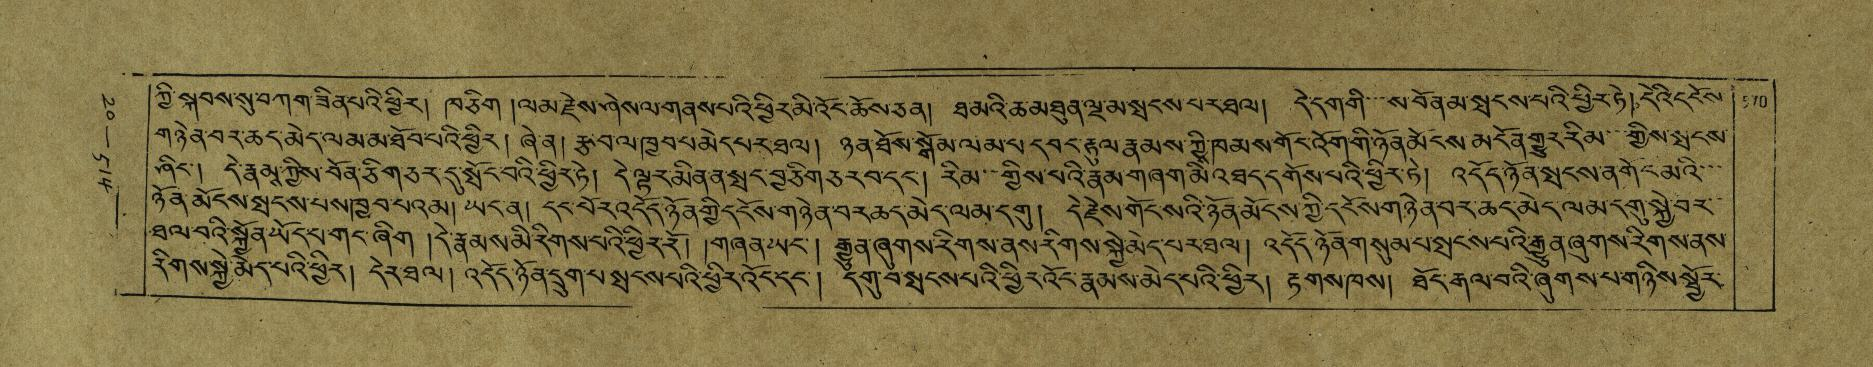ཀྱི་སྐབས་སུ་བཀག་ཟིན་པའི་ཕྱིར། ཁ་ཅིག །ལམ་རྗེས་ཤེས་ལ་གནས་པའི་ཕྱིར་མི་འོང་ཆོས་ཅན། ཐ་མའི་ཆ་མཐུན་སྔ་མ་སྤངས་པར་ཐལ། དེ་དག་གི་ས་བོན་མ་སྤངས་པའི་ཕྱིར་ཏེ་།དེའི་དངོས་
གཉེན་བར་ཆད་མེད་ལམ་མ་ཐོབ་པའི་ཕྱིར། ཞེ་ན། རྩ་བ་ལ་ཁྱབ་པ་མེད་པར་ཐལ། ཉན་ཐོས་སྒོམ་ལམ་པ་དབང་རྟུལ་རྣམས་ཀྱིས་ཁམས་གོང་འོག་གི་ཉོན་མོངས་མངོན་གྱུར་རིམ་གྱིས་སྤངས་
ཤིང་། དེ་རྣམས་ཀྱི་ས་བོན་གྱི་ཅིག་ཅར་དུ་སྤོང་བའི་ཕྱིར་ཏེ། དེ་ལྟར་མིན་ན་སྤང་བྱ་ཅིག་ཅར་བ་དང་། རིམ་གྱིས་པའི་རྣམ་གཞག་མི་འཐད་དགོས་པའི་ཕྱིར་ཏེ། འདོད་ཉོན་སྤངས་ན་གོང་མའི་
ཉོན་མོངས་སྤངས་པས་ཁྱབ་པའམ། ཡང་ན། དང་པོར་འདོད་ཉོན་གྱི་དངོས་གཉེན་བར་ཆད་མེད་ལམ་དགུ། དེ་རྗེས་གོང་སའི་ཉོན་མོངས་ཀྱི་དངོས་གཉེན་བར་ཆད་མེད་ལམ་དགུ་སྐྱེ་བར་
ཐལ་བའི་སྐྱོན་ཡོད་པ་གང་ཞིག །དེ་རྣམས་མི་རིགས་པའི་ཕྱིར་རོ། །གཞན་ཡང་། རྒྱུན་ཞུགས་རིགས་ནས་རིགས་སྐྱེ་མེད་པར་ཐལ། འདོད་ཉོན་གསུམ་པ་སྤངས་པའི་རྒྱུན་ཞུགས་རིགས་ནས་
རིགས་སྐྱེ་མེད་པའི་ཕྱིར། དེར་ཐལ། འདོད་ཉོན་དྲུག་པ་སྤངས་པའི་ཕྱིར་འོང་དང་། དགུ་བ་སྤངས་པའི་ཕྱིར་འོང་རྣམས་མེད་པའི་ཕྱིར། རྟགས་ཁས། ཐོད་རྒལ་བའི་ཞུགས་པ་གཉིས་སྦྱོར་